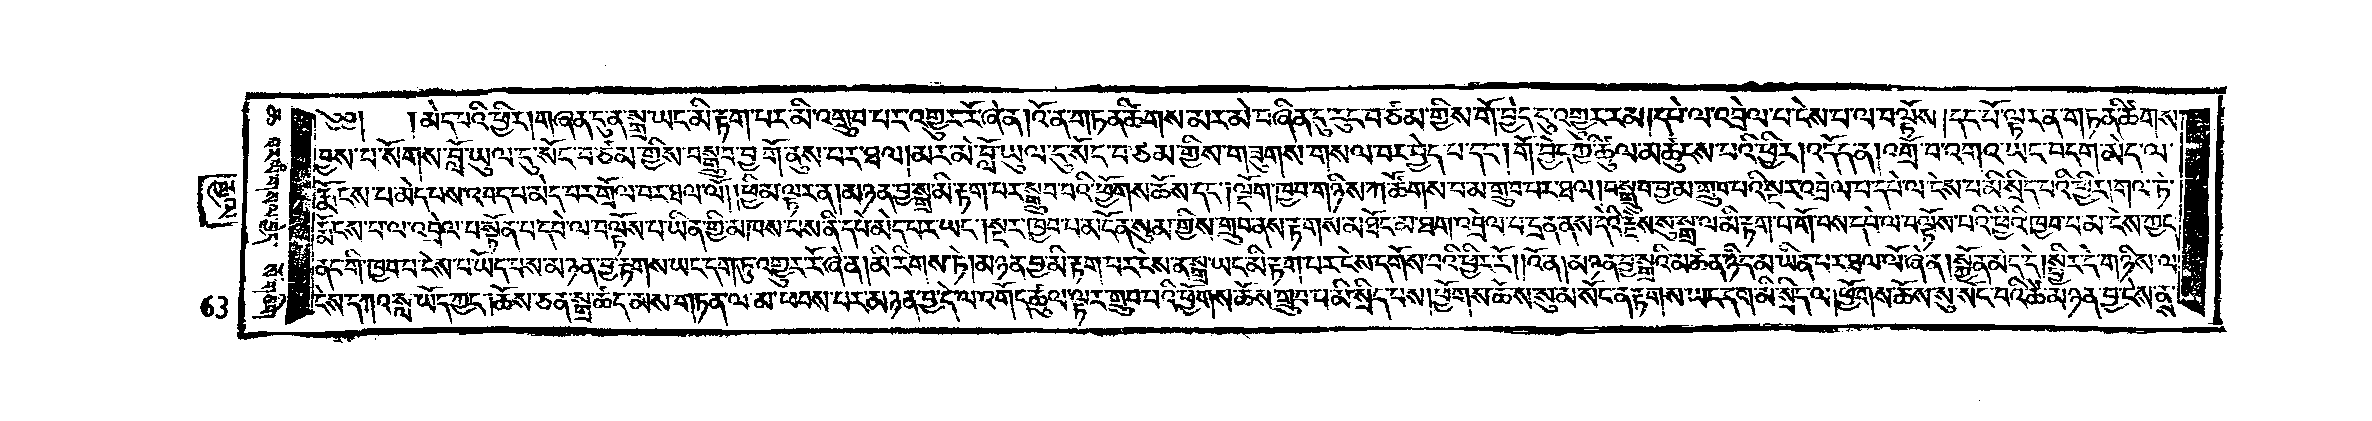༄༅། །མེད་པའི་ཕྱིར། གཞན་དུ་ན་སྒྲ་ཡང་མི་རྟག་པར་མི་འགྲུབ་པར་འགྱུར་རོ་ཞེ་ན། འོ་ན་གཏན་ཚིགས་མར་མེ་བཞིན་དུ་རུང་བ་ཙམ་གྱིས་གོ་བྱེད་དུ་འགྱུར་རམ། དཔེ་ལ་འབྲེལ་པ་ངེས་པ་ལ་བལྟོས། དང་པོ་ལྟར་ན་གཏན་ཚིགས་
བྱས་པ་སོགས་བློ་ཡུལ་དུ་སོང་བ་ཙམ་གྱིས་བསྒྲུབ་བྱ་གོ་ནུས་པར་ཐལ། མར་མེ་བློ་ཡུལ་དུ་སོང་བ་ཙམ་གྱིས་གཟུགས་གསལ་བར་བྱེད་པ་དང་། གོ་བྱེད་ཀྱི་ཚུལ་མཚུངས་པའི་ཕྱིར། འདོད་ན། འགྲོ་བ་འགའ་ཡང་བདག་མེད་ལ་
རྨོངས་པ་མེད་པས་འབད་པ་མེད་པར་གྲོལ་བར་ཐལ་ལོ། །ཕྱི་མ་ལྟར་ན། མཉན་བྱ་སྒྲ་མི་རྟག་པར་སྒྲུབ་པའི་ཕྱོགས་ཆོས་དང་། ལྡོག་ཁྱབ་གཉིས་ཀ་ཚོགས་པ་མ་གྲུབ་པར་ཐལ། བསྒྲུབ་བྱ་མ་གྲུབ་པའི་སྔར་འབྲེལ་པ་དཔེ་ལ་ངེས་པ་མི་སྲིད་པའི་ཕྱིར། གལ་ཏེ་
རྨོངས་པ་ལ་འབྲེལ་པ་སྟོན་པ་དཔེ་ལ་བལྟོས་པ་ཡིན་གྱི་མཁས་པས་ནི་དཔེ་མེད་པར་ཡང་། སྔར་ཁྱབ་པ་མངོན་སུམ་གྱིས་གྲུབ་ནས་རྟགས་མཐོང་མ་ཐག་འབྲེལ་པ་དྲན་ནས་དེའི་རྗེས་སུ་སྒྲ་ལ་མི་རྟག་པ་གོ་བས་དཔེ་ལ་བལྟོས་པའི་ཕྱིའི་ཁྱབ་པ་མ་ངེས་ཀྱང་
ནང་གི་ཁྱབ་པ་ངེས་པ་ཡོད་པས་མཉན་བྱ་རྟགས་ཡང་དག་ཏུ་འགྱུར་རོ་ཞེ་ན། མི་རིགས་ཏེ། མཉན་བྱ་མི་རྟག་པར་ངེས་ན་སྒྲ་ཡང་མི་རྟག་པར་ངེས་དགོས་པའི་ཕྱིར་རོ། །འོ་ན། མཉན་བྱ་སྒྲའི་མཚན་ཉིད་མ་ཡིན་པར་ཐལ་ལོ་ཞེ་ན། སྐྱོན་མེད་དེ། སྤྱིར་དེ་གཉིས་ལ་
ངེས་དཀའ་སླ་ཡོད་ཀྱང་། ཆོས་ཅན་སྒྲ་ཚད་མས་གཏན་ལ་མ་ཕབས་པར་མཉན་བྱ་དེ་ལ་འགོད་ཚུལ་ལྟར་གྲུབ་པའི་ཕྱོགས་ཆོས་གྲུབ་པ་མི་སྲིད་པས། ཕྱོགས་ཆོས་སུ་མ་སོང་ན་རྟགས་ཡང་དག་མི་སྲིད་ལ། ཕྱོགས་ཆོས་སུ་སོང་བའི་ཚེ་མཉན་བྱ་ངེས་ནས་